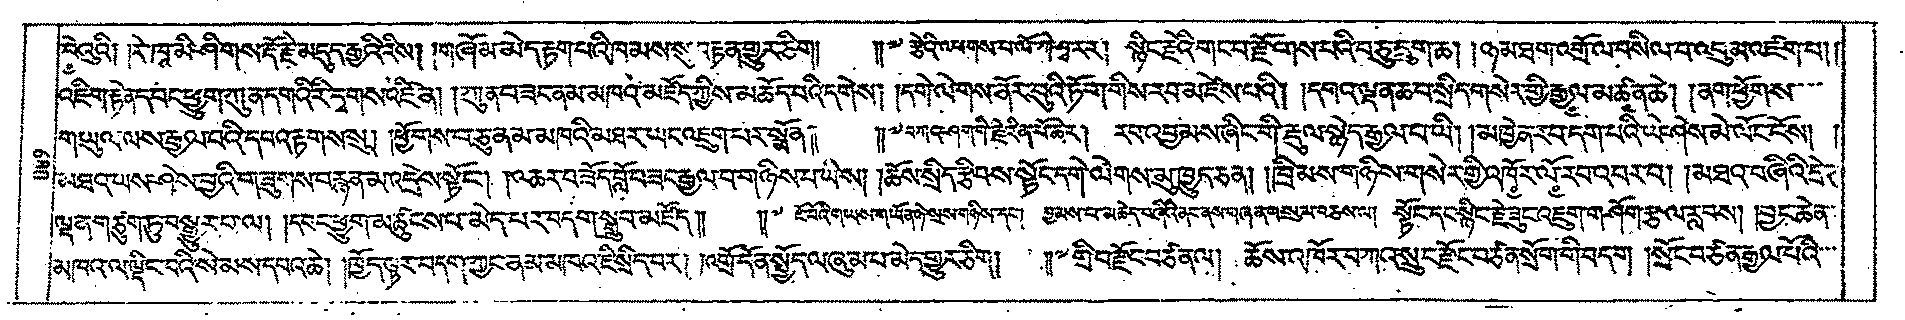བེའུའི྾། །རེ་ཁཱ་མི་ཤིགས་རྡོ་རྗེ་མདུད་རྒྱའི་རིས། །གཞོམ་མེད་རྟག་པའི་ཁམས་སུ་བརྟན་གྱུར་ཅིག ། །།༧རྩེའི་འཕགས་པ་ལོ་ཀེ་ཤྭ་རར།  སྙིང་རྗེའི་གང་བ་རྫོགས་པའི་བཅུ་དྲུག་ཆ། །ཉམ་ཐག་འགྲོ་ལ་བསིལ་བ་འབུམ་མཛག་པ། །
འཇིག་རྟེན་དབང་ཕྱུག་ཀུན་དགའི་རི་དྭགས་འཛིན། །ཀུན་བཟང་ནམ་མཁའ་མཛོད་ཀྱིས་མཆོད་པའི་དགེས། །དགེ་ལེགས་ནོར་བུའི་ཏོག་གིས་རབ་མཛེས་པའི། །དགའ་ལྡན་ཆབ་སྲིད་གསེར་གྱི་རྒྱལ྾་མཚན྾་ཆེ། །ནག་ཕྱོགས་
གཡུལ་ལས་རྒྱལ་བའི་དཔའ་རྟགས་སུ། །ཕྱོགས་བཅུ་ནམ་མཁའི་མཐར་ཡང་འཇུག་པར་སྨོན།། །།༧་བཀའ་ཤག་གི་རྗེ་རིན་པོ་ཆེར།  རབ་འབྱམས་ཞིང་གི་རྡུལ་སྙེད་རྒྱལ་བ་ཡི། །མཁྱེན་རབ་དག་པའི་ཡེ་ཤེས་མེ་ལོང་ངོས། །
མཐའ་ཡས་ཤེས་བྱའི་གཟུགས་བརྙན་མ་འདྲེས་སྟོང་། །འཆར་བཟོད་བློ་བཟང་རྒྱལ་བ་གཉིས་པ་ཡིས། །ཆོས་སྲིད་རྩིབས་སྟོང་དགེ་ལེགས་མུ་ཁྱུད་ཅན། །ཁྲིམས་གཉིས་གསེར་གྱི་འཁོར྾་ལོ྾་རབ་འབར་བ། །མཐའ་བཞིའི་དྲེགས་
ལྡན་གཙུག་ཏུ་བསྒྱུར་བ་ལ། །དབང་ཕྱུག་མཚུངས་པ་མེད་པར་བདག་སྒྲུབ་མཛོད།། །།༧་ཇོ་བོའི་གཡས་གཡོན་ཉེ་སྲས་གཉིས་དང་། བྱམས་པ་མཆེད་བཞིའི་ནང་ནས་གཞན་གསུམ་བཅས་ལ།  སྟོང་དང་སྙིང་རྗེ་ཟུང་འཇུག་གཤོག་རྩལ་རླབས། །བྱང་ཆེན་
མཁའ་ལ་ལྡིང་བའི་སེམས་དཔའ་ཆེ། །ཁྱོད་ལྟར་བདག་ཀྱང་ནམ་མཁའ་ཇི་སྲིད་པར། །འགྲོ་དོན་སྤྱོད་ལ་ཞུམ་པ་མེད་གྱུར་ཅིག ། །།༧་གྲིབ་རྫོང་བཙན་ལ། ཆོས་འཁོར་བཀའ་སྲུང་རྫོང་བཙན་སྲོག་གི་བདག །སྲོང་བཙན་རྒྱལ་པོའི་